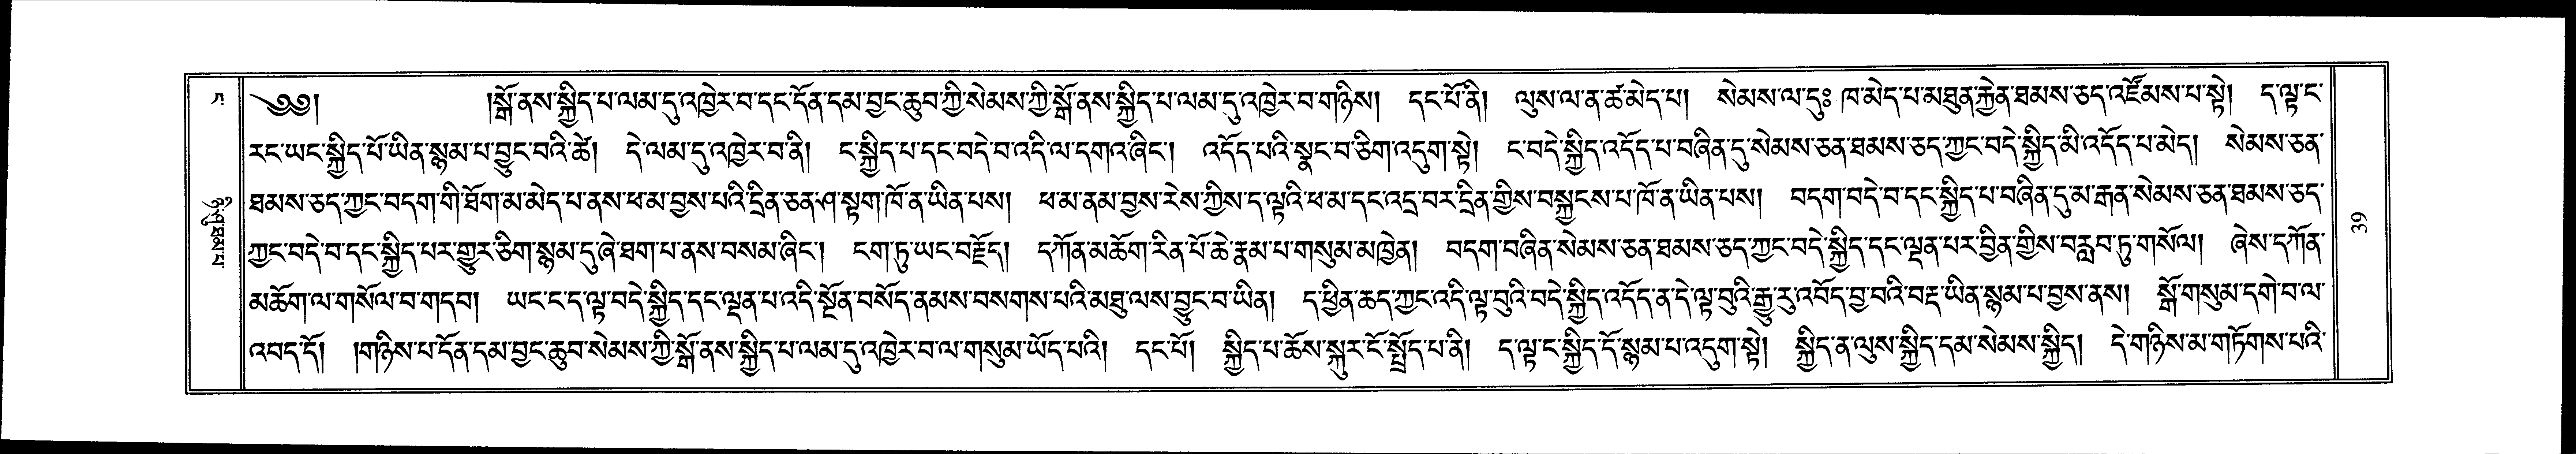༄༅། །སྒོ་ནས་སྐྱིད་པ་ལམ་དུ་འཁྱེར་པ་དང་དོན་དམ་བྱང་ཆུབ་ཀྱི་སེམས་ཀྱི་སྒོ་ནས་སྐྱིད་པ་ལམ་དུ་འཁྱེར་བ་གཉིས། དང་པོ་ནི། ལུས་ལ་ན་ཚ་མེད་པ། སེམས་ལ་དུཿ ཁ་མེད་པ་མཐུན་རྐྱེན་ཐམས་ཅད་འཛོམས་པ་སྟེ། ད་ལྟ་ང་
རང་ཡང་སྐྱིད་པོ་ཡིན་སྙམ་པ་བྱུང་བའི་ཚེ། །དེ་ལམ་དུ་འཁྱེར་པ་ནི། ང་སྐྱིད་པ་དང་བདེ་བ་འདི་ལ་དགའ་ཞིང་། འདོད་པའི་སྣང་བ་གཅིག་འདུག་སྟེ། ང་བདེ་སྐྱིད་འདོད་པ་བཞིན་དུ་སེམས་ཅན་ཐམས་ཅད་ཀྱང་བདེ་སྐྱིད་མི་འདོད་པ་མེད། སེམས་ཅན་
ཐམས་ཅད་ཀྱང་བདག་གི་ཐོག་མ་མེད་པ་ནས་ཕ་མ་བྱས་པའི་དྲིན་ཅན་ཤ་སྟག་ཁོ་ན་ཡིན་པས། ཕ་མ་ནམ་བྱས་རེས་ཀྱིས་ད་ལྟའི་ཕ་མ་དང་འདྲ་བར་དྲིན་གྱིས་བསྐྱངས་པ་ཁོ་ན་ཡིན་པས། བདག་བདེ་བ་དང་སྐྱིད་པ་བཞིན་དུ་མ་རྒན་སེམས་ཅན་ཐམས་ཅད་
ཀྱང་བདེ་བ་དང་སྐྱིད་པར་གྱུར་ཅིག་སྙམ་དུ་ཞེ་ཐག་པ་ནས་བསམ་ཞིང་། ངག་ཏུ་ཡང་བརྗོད། དཀོན་མཆོག་རིན་པོ་ཆེ་རྣམ་པ་གསུམ་མཁྱེན། བདག་བཞིན་སེམས་ཅན་ཐམས་ཅད་ཀྱང་བདེ་སྐྱིད་དང་ལྡན་པར་བྱིན་གྱིས་བརླབ་ཏུ་གསོལ། ཞེས་དཀོན་
མཆོག་ལ་གསོལ་བ་གདབ། ཡང་ང་ད་ལྟ་བདེ་སྐྱིད་དང་ལྡན་པ་འདི་སྔོན་བསོད་ནམས་བསགས་པའི་མཐུ་ལས་བྱུང་བ་ཡིན། །ད་ཕྱིན་ཆད་ཀྱང་འདི་ལྟ་བུའི་བདེ་སྐྱིད་འདོད་ན་དེ་ལྟ་བུའི་རྒྱུ་རུ་འབོད་བྱ་བའི་བརྡ་ཡིན་སྙམ་པ་བྱས་ནས། སྒོ་གསུམ་དགེ་བ་ལ་
འབད་དོ། །གཉིས་པ་དོན་དམ་བྱང་ཆུབ་སེམས་ཀྱི་སྒོ་ནས་སྐྱིད་པ་ལམ་དུ་འཁྱེར་བ་ལ་གསུམ་ཡོད་པའི། །དང་པོ། སྐྱིད་པ་ཆོས་སྐུར་ངོ་སྤྲོད་པ་ནི། ད་ལྟ་ང་སྐྱིད་དོ་སྙམ་པ་འདུག་སྟེ། སྐྱིད་ན་ལུས་སྐྱིད་དམ་སེམས་སྐྱིད། དེ་གཉིས་མ་གཏོགས་པའི་